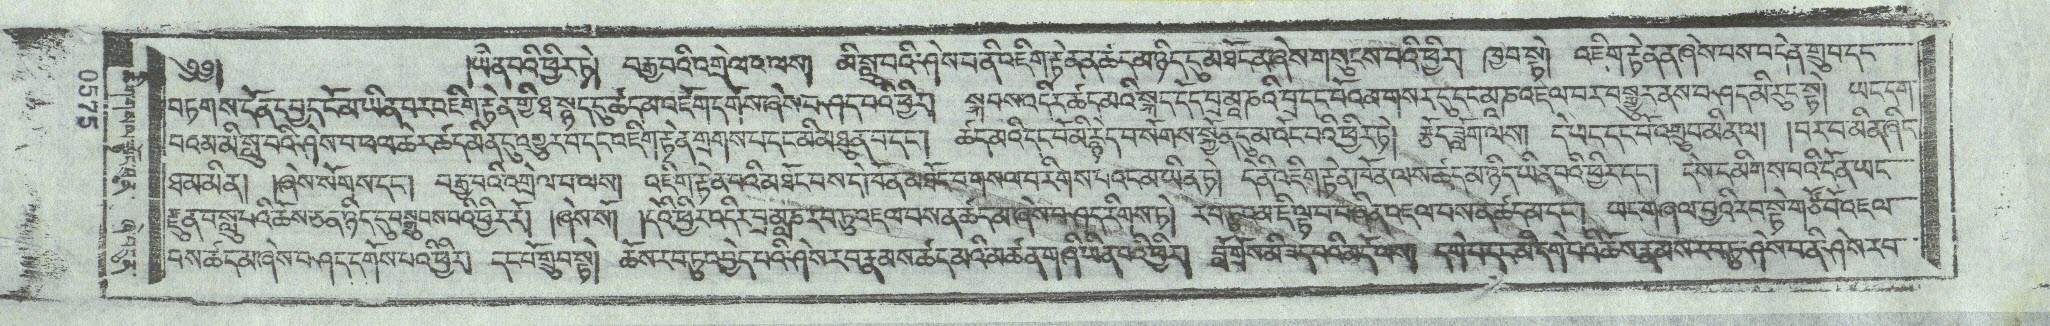༄༅། །ཡིན་པའི་ཕྱིར་ཏེ། བརྒྱ་བའི་འགྲེལ་བ་ལས། མི་སླུ་བའི་ཤེས་པ་ནི་འཇིག་རྟེན་ན་ཚད་མ་ཉིད་དུ་མཐོང་ན་ཞེས་གསུངས་པའི་ཕྱིར། ཁྱབ་སྟེ། འཇིག་རྟེན་ན་ཞེས་པས་བདེན་གྲུབ་དང་
བཏགས་དོན་དཔྱད་ངོ་མ་ཡིན་པར་འཇིག་རྟེན་གྱི་ཐ་སྙད་དུ་ཚད་མ་འཇོག་དགོས་ཞེས་བཤད་པའི་ཕྱིར། སྐབས་འདིར་ཚད་མའི་སྐད་དོད་པྲ་མཱ་ཎའི་བྲ་དང་པོའམ་གསར་དུ་དང་མཱཎ་འཇལ་བར་བསྒྱུར་ནས་བཤད་མི་རུང་སྟེ། ཡང་དག་
བའམ་མི་སླུ་བའི་ཤེས་པ་ཕལ་ཆེར་ཚད་མིན་དུ་འགྱུར་བ་དང་འཇིག་རྟེན་གྲགས་པ་དང་མི་མཐུན་པ་དང་། ཚད་མའི་དང་པོ་མི་རྙེད་པ་སོགས་སྐྱོན་དུ་མ་འོང་བའི་ཕྱིར་ཏེ། རྩོད་ཟློག་ལས། དེ་ཡང་དང་པོ་འགྲུབ་མིན་ལ། །བར་བ་མིན་ཞིང་
ཐ་མ་མིན། །ཞེས་སོགས་དང་། བརྒྱ་བའི་འགྲེལ་པ་ལས། འཇིག་རྟེན་པའི་མཐོང་བས་དེ་ཁོ་ན་མཐོང་བ་གསལ་བ་རིགས་པའང་མ་ཡིན་ཏེ། དེ་ནི་འཇིག་རྟེན་ཁོ་ན་ལས་ཚད་མ་ཉིད་ཡིན་པའི་ཕྱིར་དང་། དེས་དམིགས་པའི་དོན་ཡང་
རྫུན་པ་སླུ་བའི་ཆོས་ཅན་ཉིད་དུ་བསྒྲུབས་པའི་ཕྱིར་རོ། །ཞེས་སོ། །དེའི་ཕྱིར་འདིར་པྲ་མཱཎ་རབ་ཏུ་འཇལ་བས་ན་ཚད་མ་ཞེས་བཤད་རིགས་ཏེ། རབ་ཏུའམ་ཇི་ལྟ་བ་བཞིན་འཇལ་བས་ན་ཚད་མ་དང་། ཡང་གཞལ་བྱའི་རབ་སྟེ་གཙོ་བོ་འཇལ་
བས་ཚད་མ་ཞེས་བཤད་དགོས་པའི་ཕྱིར། དང་པོ་གྲུབ་སྟེ། ཆོས་རབ་ཏུ་འབྱེད་པའི་ཤེས་རབ་རྣམས་ཚད་མའི་མཚན་གཞི་ཡིན་པའི་ཕྱིར། བློ་གྲོས་མི་ཟད་པའི་མདོ་ལས། དགེ་བ་དང་མི་དགེ་བའི་ཆོས་རྣམས་རབ་ཏུ་ཤེས་པ་ནི་ཤེས་རབ་